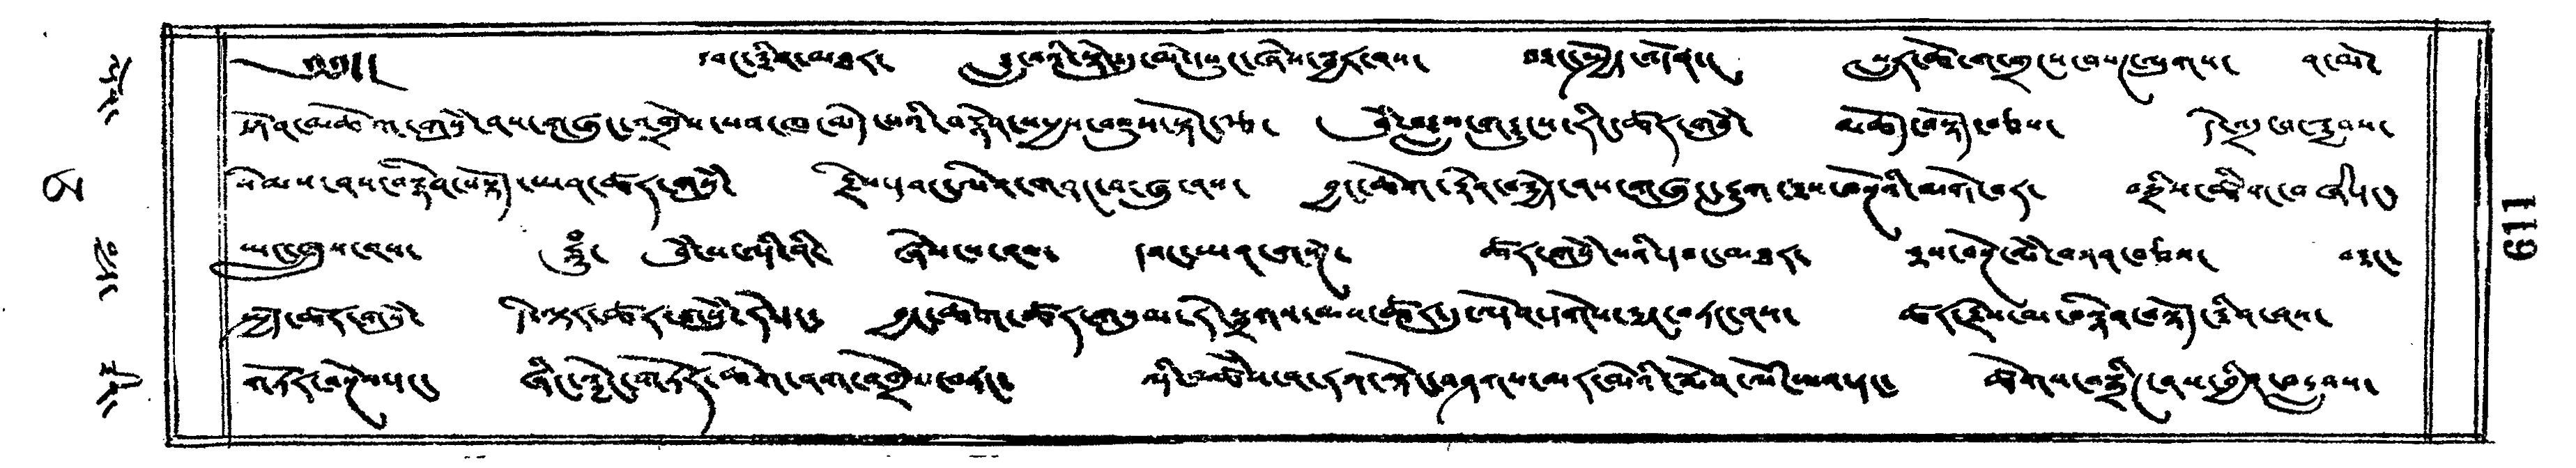དབང་ཟིན་མཐར། ཟླ་བའི་སྟེང་དུ་མེ་དཔུང༴ ཞེས་སྦྱར་ནས། བཟང་སྤྱོད་འདོན། སླར་ཆོ་ག་གྲངས་གསོག་ལུགས། ན་མོ༔
དཀོན་མཆོག་གསུམ༴ ནས་གཞུང་འགྲོས་སབ་ཁ་མེད་པའི་བསྙེན་པ་རྒྱས་བསྡུས་སྟོང་རྩ། བུམ་བཟླས་གཟུངས་རིང་ཚར་གསུམ། མཆོད་བསྟོད་བཅས། དེ་འདྲ་བ་སྐྱབས་
སེམས་ནས་བསྙེན་བསྟོད་ཡན་ཚར་གསུམ། རྗེས་དབང་ལེན་གནང་བ་ཞུ་ནས། བྱང་ཆོག་རྟེན་བསྐྱེད་ནས་གཞུང་རྒྱུག་ཟས་བསྔོའི་འགོ་བར། བཀྲ་ཤིས་ཚིག་བཞི་དང་། 
ཡང་ཁྲུས་ནས། ཧཱུྃ༔ བུམ་པ་འདི་ནི༴ ཞེས་པ་ནས། དབང་ཡན་བསག ཚར་གསུམ་པའི་དབང་མཐར། ཟས་བསྔོ་ལམ་བསྟན་བཅས། བཟང་
སྤྱོད་ཚར་གསུམ། དེ་ལྟར་ཚར་གསུམ་རེ་དང་། བྱང་ཆོག་ཚར་གསུམ་རེ་སྦྲགས་མས་ཚར་དུ་འདོན་དགོས་ཀྱང་བཏང་ནས། ཚར་རྗེས་མ་བསྙེན་བསྟོད་ཟིན་ནས། 
གཏོར་བསྔོས་དང་། ཞིང་སྐྱོང་གཏོར་ཆོག་ནག་འགྲོས་བཏང་། འདི་མཚམས་ན་རཀ་སྐོང་བཤགས་མར་མེའི་སྨོན་ལམ་ཡན་དང་། ཚོགས་བསྒྲིགས་ནས་བྱིན་རླབས་